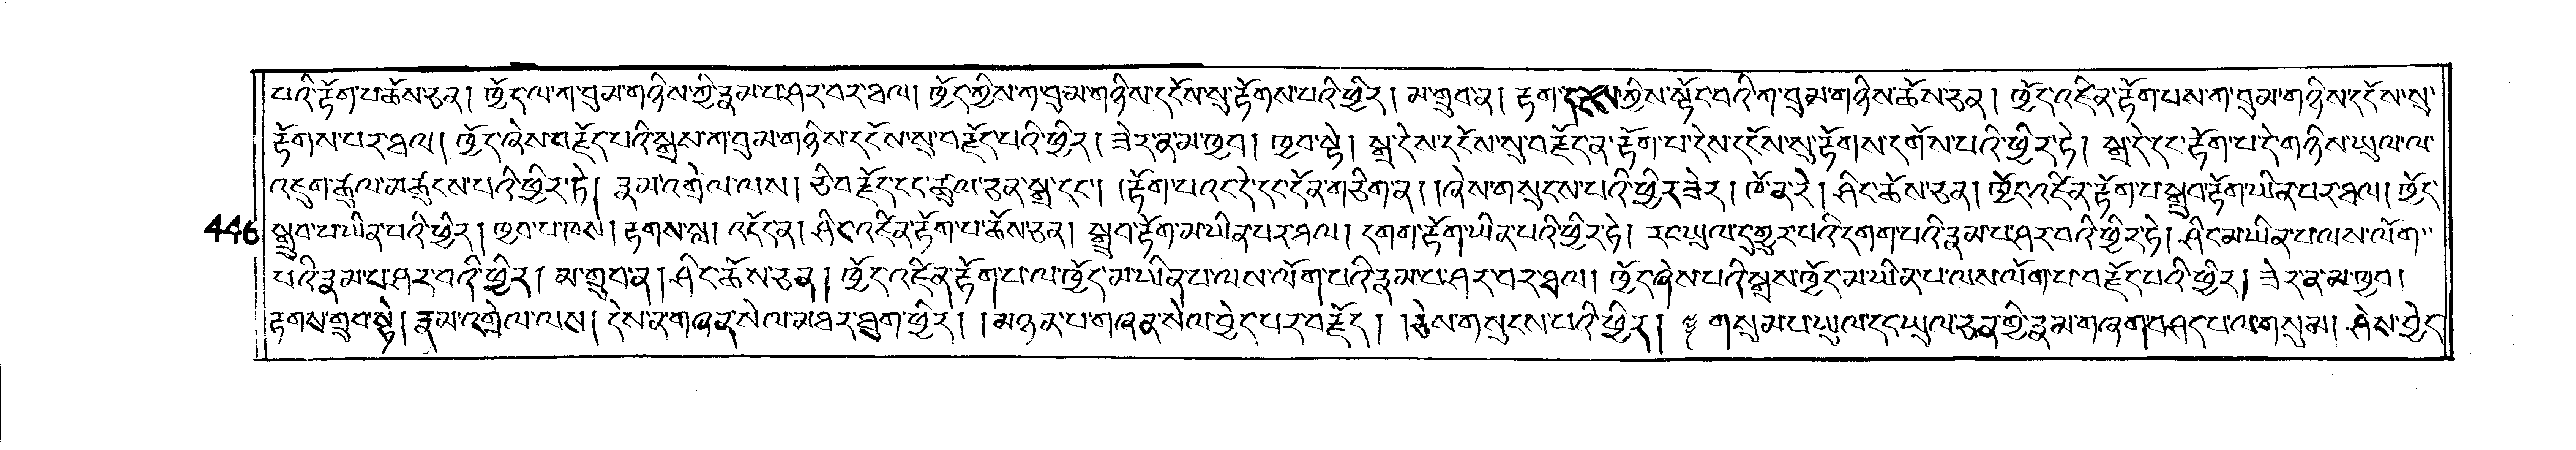པའི་རྟོག་པ་ཆོས་ཅན། ཁྱོད་ལ་ཀ་བུམ་གཉིས་ཀྱི་རྣམ་པ་ཤར་བར་ཐལ། ཁྱོད་ཀྱིས་ཀ་བུམ་གཉིས་དངོས་སུ་རྟོགས་པའི་ཕྱིར། མ་གྲུབ་ན། རྟག་ཀྱིས་སྟོང་བའི་ཀ་བུམ་གཉིས་ཆོས་ཅན། ཁྱོད་འཛིན་པས་ཀ་བུམ་གཉིས་དངོས་སུ་
རྟོགས་པར་ཐལ། ཁྱོད་ཞེས་བརྗོད་པའི་སྒྲས་ཀ་བུམ་གཉིས་དངོས་སུ་བརྗོད་པའི་ཕྱིར། ཟེར་ན་མ་ཁྱབ། ཁྱབ་སྟེ། སྒྲ་ངེས་དངོས་སུ་བརྗོད་ན་རྟོག་པ་ངེས་དངོས་སུ་རྟོགས་དགོས་པའི་ཕྱིར་ཏེ། སྒྲ་དེ་དང་རྟོག་པ་དེ་གཉིས་ཡུལ་ལ་
འཇུག་ཚུལ་མཚུངས་པའི་ཕྱིར་ཏེ། རྣམ་འགྲེལ་ལས། ཅི་བརྗོད་དང་ཚུལ་ཅན་སྒྲ་དང་། རྟོག་པའང་དེ་དང་དོན་གཅིག་ན། །ཞེས་གསུངས་པའི་ཕྱིར་ཟེར། ཁོ་ན་རེ། ཤིང་ཆོས་ཅན། ཁྱོད་འཛིན་རྟོག་པ་སྒྲུབ་རྟོག་ཡིན་པར་ཐལ། ཁྱོད་
སྒྲུབ་པ་ཡིན་པའི་ཕྱིར། ཁྱབ་པ་ཁས། རྟགས་སླ། འདོད་ན། ཤིང་འཛིན་རྟོག་པ་ཆོས་ཅན། སྒྲུབ་རྟོག་མ་ཡིན་པར་ཐལ། དགག་རྟོག་ཡིན་པའི་ཕྱིར་ཏེ། རང་ཡུལ་དྲུ་གྱུར་པའི་དགག་པའི་རྣམ་པ་ཧར་བའི་ཕྱིར་ཏེ། ཤིང་མ་ཡིན་པ་ལས་ལོག་
པའི་རྣམ་པ་ཤར་བའི་ཕྱིར། མ་གྲུབ་ན། ཤིང་ཆོས་ཅན། ཁྱོད་འཛིན་རྟོག་པ་ཆོས་ཅན། སྒྲུབ་རྟོག་མ་ཡིན་པར་ཐལ། དགག་རྟོག་ཡིན་པའི་ཕྱིར་ཏེ། རང་ཡུལ་དུ་གྱུར་པའི་དགག་པའི་རྣམ་པར་ཤར་བའི་ཕྱིར་ཏེ། ཤིང་མ་ཡིན་པ་ལས་ལོག་
རྟགས་གྲུབ་སྟེ། རྣམ་འགྲེལ་ལས། དེས་ན་གཞན་སེལ་མཐར་ཐུག་ཕྱིར། །མཉན་པ་གཞན་སེལ་བྱེད་པར་བརྗོད། །ཅེས་གསུངས་པའི་ཕྱིར། ༈ གསུམ་པ་ཡུལ་དང་ཡུལ་ཅན་གྱི་རྣམ་གཞག་བཤད་པ་ལ་གསུམ། ཤེས་བྱེད་